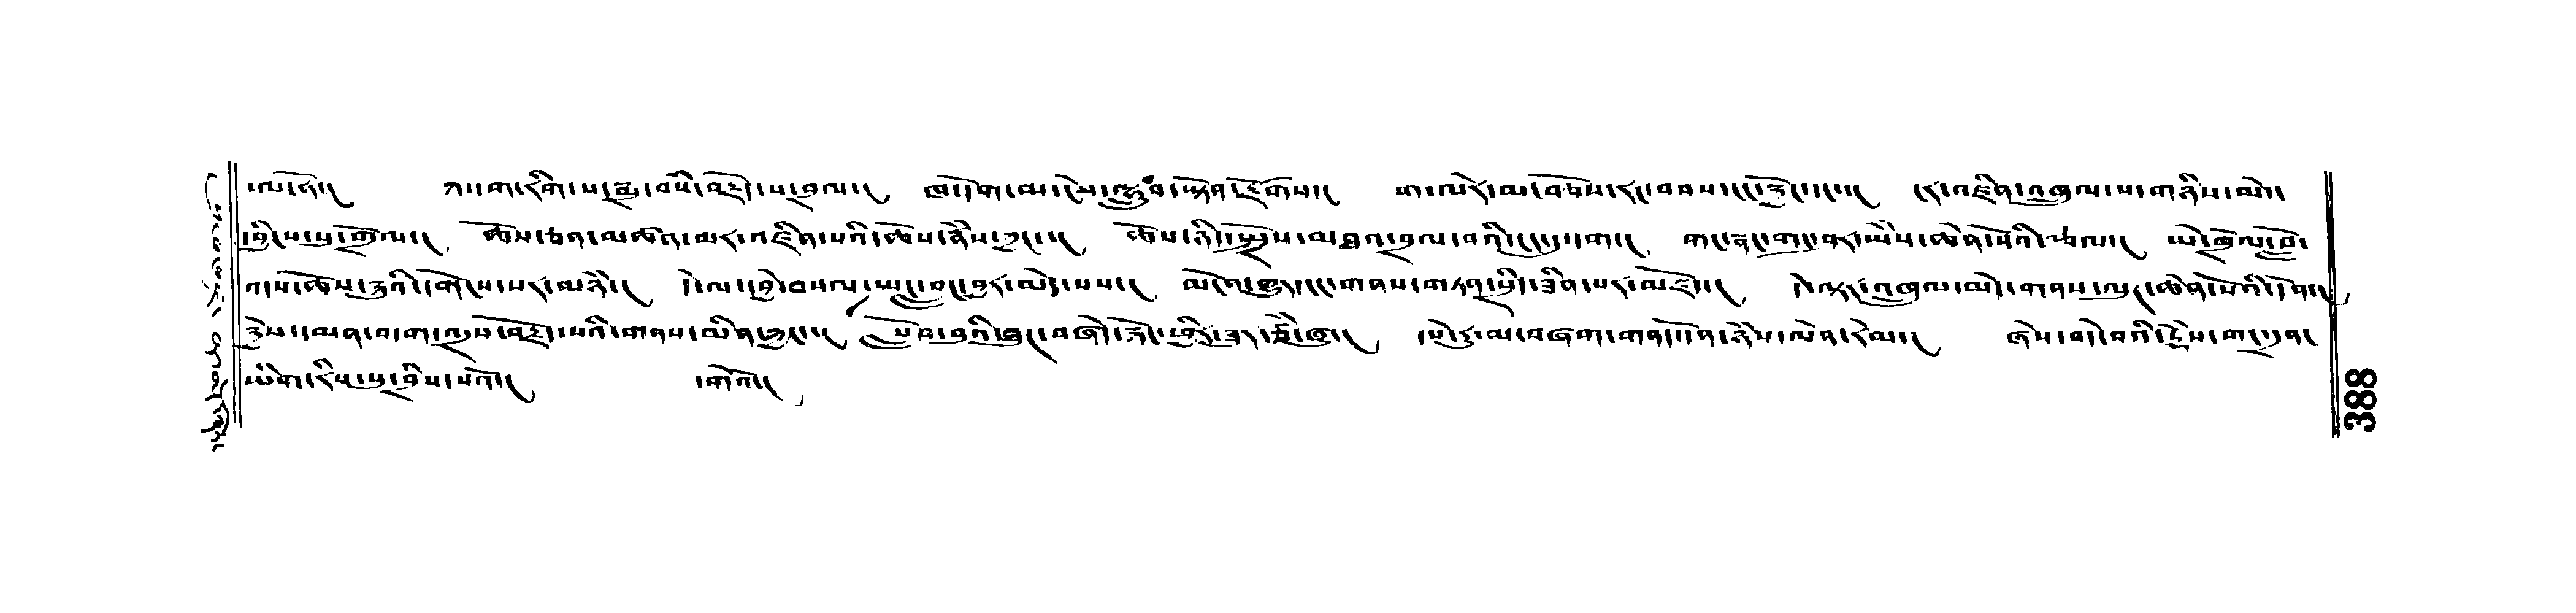ཨ་ཧོ། ཀ་དག་རིག་པ་སྨྲ་བསམ་བརྗོད་པ་བྲལ། ཁ་དོག་མ་ངེས་ལྷུན་གྲུབ་ཡོན་ཏན་རྫོགས། །ག་ལེར་མ་བཅོས་རང་བབས་ངང་སྐྱོངས་དང་། །ངར་འཛིན་འཁྲུལ་པ་གཉིས་མེད་
དབྱིངས་སུ་གྲོལ། །ཆོས་ཅན་མཚན་མར་འཛིན་པའི་ཆོས་རྣམས་ཀྱང་། །ཆོས་ཉིད་སྤྲོས་མཐའ་བྲལ་བའི་ངང་དུ་དག །གང་སྣང་གང་ཤར་ཡེ་ཤེས་ཆེན་པོའི་རྩལ། །ཡེ་གྲོལ་བློ་
འདས་ཆོས་སྐུའི་དགོངས་པར་མཉམ། །དེ་ལ་དབྱེ་བསལ་སྤང་བླང་བྱར་མེད་པས། །མངོན་གྱུར་ངང་གནས་གཏན་སྲིད་ཟིན་པར་མཛོད། །དེ་ལྟར་འཁྲུལ་མེད་གནས་ལུགས་ཆེན་པོའི་དོན། །
སྐྱེས་དམན་བདག་འདྲས་བརྗོད་པའི་གནས་མིན་ཀྱང་། །སློབ་བུའི་ཐུགས་བཞེད་སྐོང་ཕྱིར་ཟུར་ཙམ་ཞུ། །དཔེ་རུ་མ་བཞག་གནད་དོན་ཉམས་ལེན་རེམ། ཞེས་བདེ་བའི་རྡོ་རྗེས་གང་དྲན་
ཡིག་རིས་སུ་བྲིས་པའོ།། དགེའོ།།